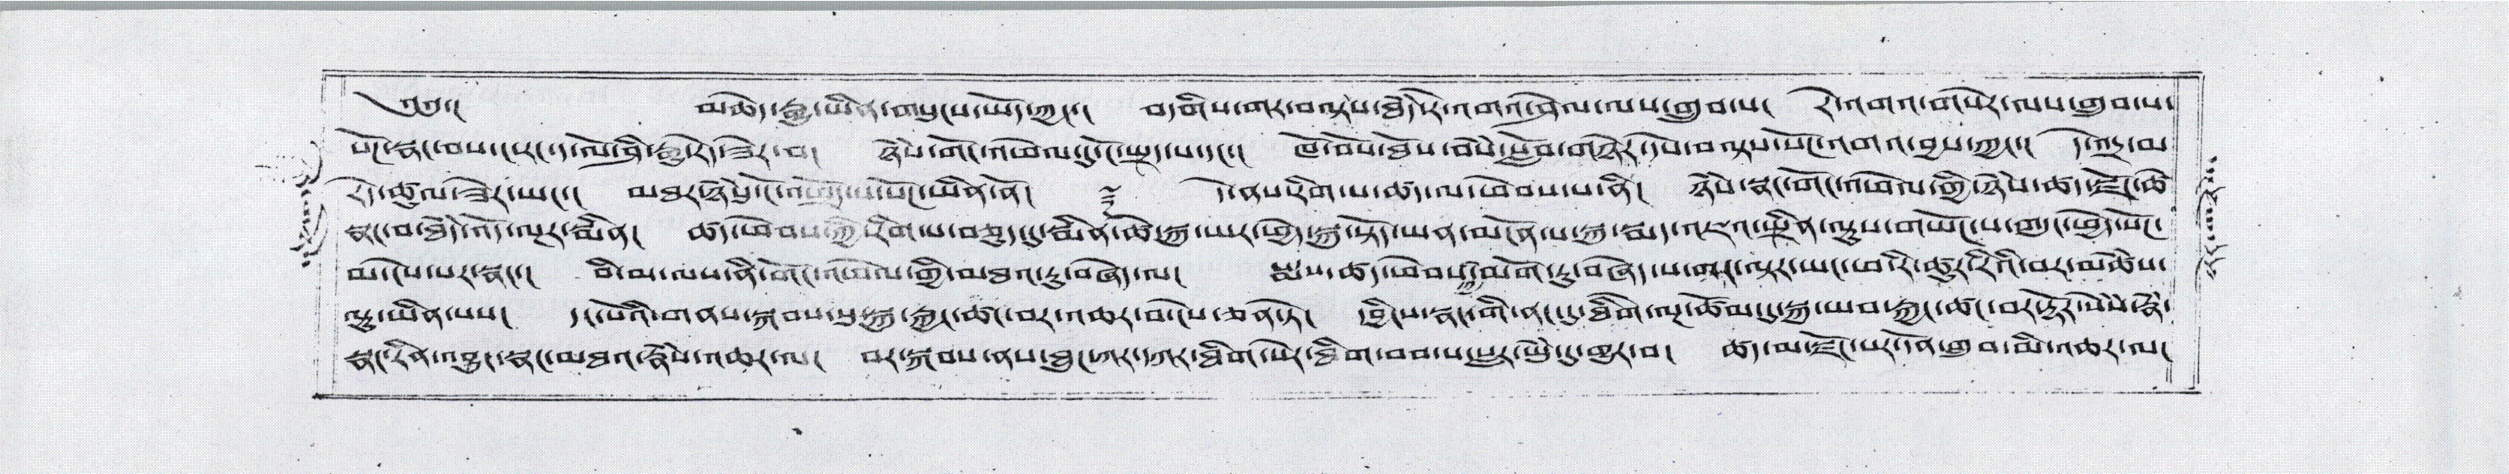མཆེད་རྒྱུ་ཡིན་གསུངས་ཡོད་ཀྱང། བདག་གིས་གར་བལྟས་ཐམས་ཅད་རེ་འགའ་ཤེལ་ལས་གྲུབ་པ། རེ་འགའ་གསེར་ལས་གྲུབ་པ་
སོགས་སྣང་བས་ང་རང་ད་ལོ་ཤི་རྒྱུ་རེད་ཟེར་བ། ཉམས་གོང་འཕེལ་དུ་ངོ་སྤྲད་པ་དང། ཁོ་བོས་ཐོས་བསམ་སློབ་གཉེར་དཔེ་བལྟས་སོགས་འགའ་བྱས་ཀྱང། དེ་འདྲ་མ་
རེད་ཚུལ་ཟེར་ཡང། མཐར་ཉམས་སུ་ངོ་འཕྲོད་པ་སོགས་ཡིན་ནོ། ༑ དེ་ནས་རིག་པ་ཚད་ལ་ཕེབས་པ་ནི། ཉམས་སྣང་གོང་འཕེལ་གྱི་ཉམས་ཚད་རྫོགས་ཚེ་
སྣང་བ་ཐམས་ཅད་འོད་ལྔར་སྨིན། ཚད་ཕེབས་ཀྱི་རིག་པ་བཅུད་དུ་སྨིན་ཚེ་སྐུ་ཡར་ཕྱེད་སྐུ་སྟོང་ཡན་མངོན་པ་སྐུ་སྨད་འཇའ་སྤྲིན་ལྟ་བུས་གཡོགས་པ་གདུང་ཕྱེད་སོགས་
མ་ངེས་པར་སྣང། བི་མ་ལས་ནི་གོང་འཕེལ་གྱི་མཐའ་རུ་བཞེད་ལ། པདྨས་ཚད་ཕེབས་ཀྱི་མགོ་རུ་བཞེད་པ་ལྟར་ཡང་ཕ་རི་ཚུར་རིའི་བར་མཚམས་
ལྟ་བུ་ཡིན་པས། དང་པོའི་གནས་སྐབས་སུ་སྐུ་རྐྱང་ཚང་བར་འཆར་བ་ངེས་ཅན་ཏེ། དབྱིངས་སྣང་གི་ནང་དུ་ཐིག་ལེ་ལྔ་ཚོམ་དུ་སྐུ་ཡབ་རྐྱང་ཚང་བར་རྡོར་སེམས་རྣམ་
སྣང་རིན་འབྱུང་སྣང་མཐའ་རྣམས་འཆར་ལ། བར་སྐབས་ནས་ཐུགས་ཀར་དཀར་ཐིག་སེར་ཐིག་བབ་པ་སླར་ཡུམ་དུ་གྱུར་བ། ཚད་མ་རྫོགས་པར་དོན་གྲུབ་མི་འཆར་ལ།